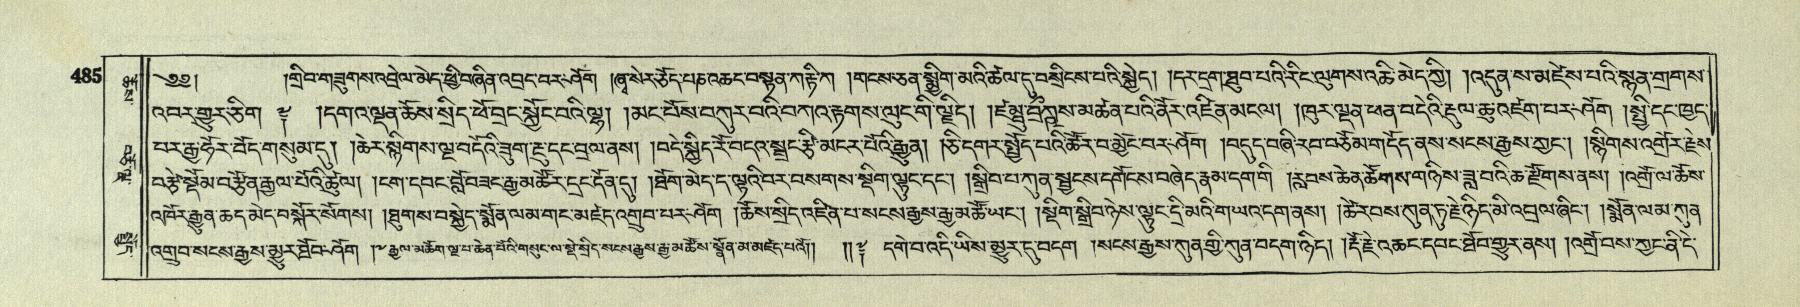༄༅། །གྲིབ་གཟུགས་འབྲེལ་མེད་ཕྱི་བཞིན་འབྲང་བར་ཤོག །ཞྭ་སེར་ཅོད་པཎ་འཆང་བསྟན་ཀྲྟི་ཀ །གངས་ཅན་སྨྱིག་མའི་ཚལ་དུ་བསྲིངས་པའི་སྐྱེད། །དར་དྲག་ཐུབ་པའི་རིང་ལུགས་འཆི་མེད་ཀྱི། །འདུན་ས་མཛེས་པའི་སྙན་གྲགས་
འབར་གྱུར་ཅིག་འ་།དགའ་ལྡན་ཆོས་སྲིད་ཕོ་བྲང་སྐྱོང་བའི་ལྷ། །མང་པོས་བཀུར་བའི་བཀའ་རྟགས་ལུང་གི་ལྗིད། །ཛམྦུ་བྲྀཀྵས་མཚན་པའི་ནོར་འཛིན་མངལ། །ཁུར་ལྡན་ཕན་བདེའི་རྡུལ་ཆུ་འཛག་པར་ཤོག །སྤྱི་དང་ཁྱད་
པར་རྒྱ་ཧོར་བོད་གསུམ་དུ། །ཆེར་སྙིགས་ལྔ་བདོའི་ཟུག་རྔུ་དང་བྲལ་ནས། །བདེ་སྐྱིད་རོ་བདའ་སྦྲང་རྩི་མངར་པོའི་རྒྱུན། །ཅི་དགར་སྤྱོད་པའི་ཚོར་བ་མྱོང་བར་ཤོག །བདུད་བཞི་རབ་བཅོམ་གདོད་ནས་སངས་རྒྱས་ཀྱང་། །སྙིགས་འགྲོར་རྗེས་
བརྩེ་སྡོམ་བརྩོན་རྒྱལ་པོའི་ཚུལ། །ངག་དབང་བློ་བཟང་རྒྱ་མཚོར་དྲང་དོན་དུ། །ཐོག་མེད་ད་ལྟའི་བར་བསགས་སྡིག་ལྟུང་དང་། །སྒྲིབ་པ་ཀུན་སྦྱངས་དགོངས་བཞེད་རྣམ་དག་གི །རླབས་ཆེན་ཚོགས་གཉིས་ཟླ་བའི་ཆ་རྫོགས་ནས། །འགྲོ་ལ་ཆོས་
འཁོར་རྒྱུན་ཆད་མེད་བསྐོར་སོགས། །ཐུགས་བསྐྱེད་སྨོན་ལམ་གང་མཛད་འགྲུབ་པར་ཤོག །ཆོས་སྲིད་འཛིན་པ་སངས་རྒྱས་རྒྱ་མཚོ་ཡང་། །སྡིག་སྒྲིབ་ཉེས་ལྟུང་དྲི་མའི་གཡའ་དག་ནས། །ཚེ་རབས་ཀུན་ཏུ་རྗེ་ཉིད་མི་འབྲལ་ཞིང་། །སྨོན་ལམ་ཀུན་
འགྲུབ་སངས་རྒྱས་མྱུར་ཐོབ་ཤོག་།༧རྒྱལ་མཆོག་ལྔ་པ་ཆེན་པོའི་གསུང་ལ་སྡེ་སྲིད་སངས་རྒྱས་རྒྱ་མཚོས་སྣོན་མ་མཛད་པའོ།།  །།འ་དགེ་བ་འདི་ཡིས་མྱུར་དུ་བདག །སངས་རྒྱས་ཀུན་གྱི་ཀུན་བདག་ཉིད། །རྡོ་རྗེ་འཆང་དབང་ཐོབ་གྱུར་ནས། །འགྲོ་བས་ཀྱང་ནི་དེ་